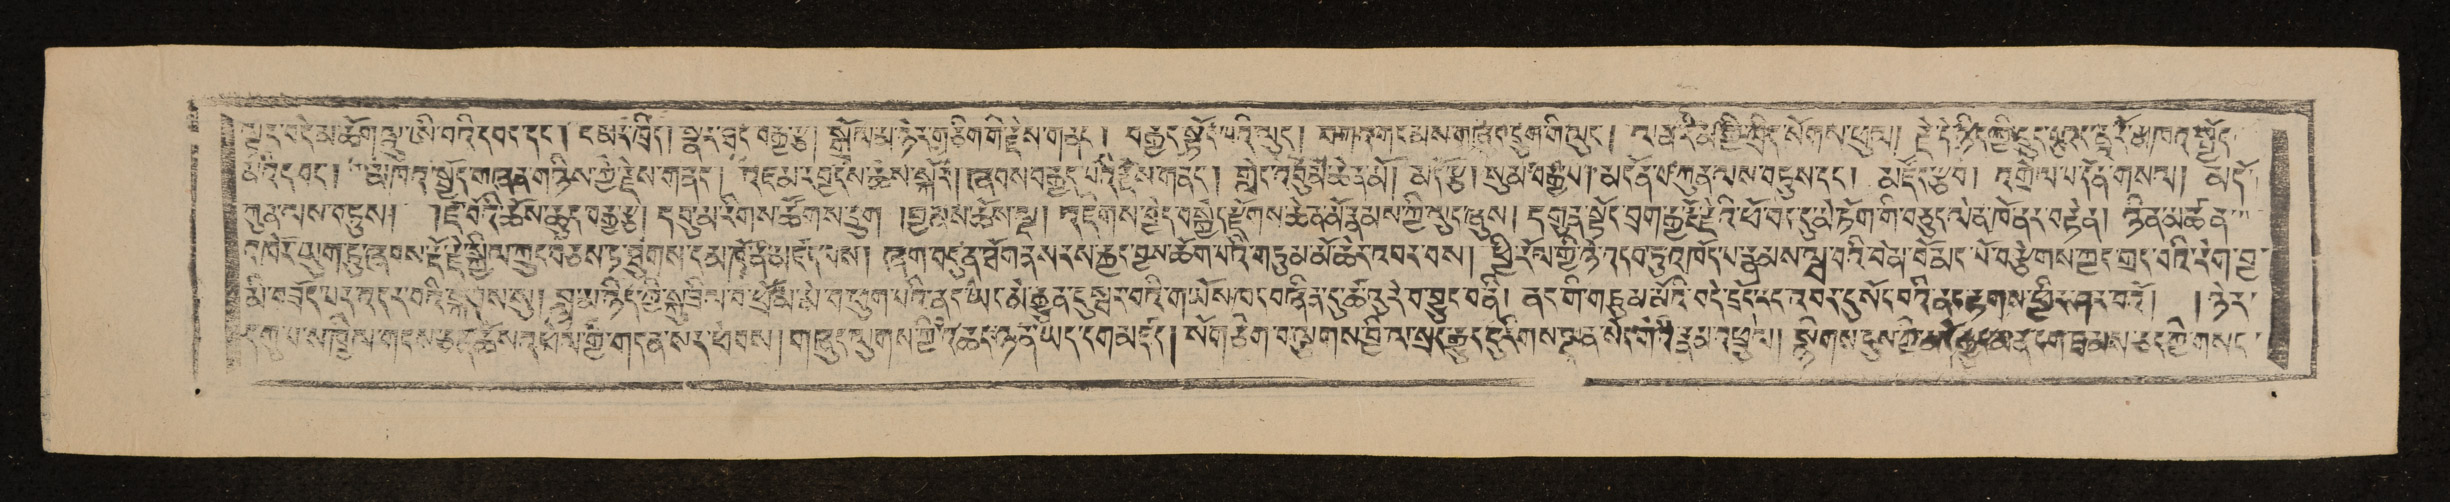ལྟར་བདེ་མཆོག་ལཱུ་ཨི་བའི་དབང་དང་། དམར་ཁྲིད། སྣར་ཐང་བརྒྱ་རྩ། སྒྲོལ་མ་ཉེར་གཅིག་གི་རྗེས་གནང་། བརྒྱད་སྟོང་པའི་ལུང་། བཀའ་གདམས་གཞུང་དྲུག་གི་ལུང་། ལམ་རིམ་གྱི་ཁྲིད་སོགས་ཕུལ། རྗེ་དེ་ཉིད་ཀྱི་དྲུང་དུའང་ནཱ་རོ་མཁའ་སྤྱོད་
མའི་དབང་། མཁའ་སྤྱོང་གཞན་གཉིས་ཀྱི་རྗེས་གནང་། འཇམ་དབྱངས་ཆོས་སྐོར། ཞབས་བརྒྱད་པའི་རྗེས་གནང་། གླེང་འབུམ་ཆེན་མོ། མདོ་རྩ། སུམ་བརྒྱ་པ། མངོན་པ་ཀུན་ལས་བཏུས་དང་། མཛོད་རྩ་བ། འགྲེལ་པ་དོན་གསལ། མདོ་
ཀུན་ལས་བཏུས། ཇོ་བོའི་ཆོས་ཆུད་བརྒྱ་རྩ། དབུ་མ་རིགས་མ་ཚོགས་དྲུག །བྱམས་ཆོས་ལྔ། འཇིགས་བྱེད་བསྐྱེད་རྫོགས་ཆེན་མོ་རྣམས་ཀྱི་ལུང་ཞུས། དགུན་སྟོད་བྲག་རྒྱ་རྡོ་རྗེའི་ཕོ་བང་དུ་མེ་ཏོག་གི་བཅུད་ལེན་ཁོ་ནར་བརྟེན། ཉིན་མཚན་
འཁོར་ཡུག་ཏུ་ཞབས་རྡོ་རྗེ་སྐྱིལ་ཀྲུང་བཅས་ཏེ་ཐུགས་དམ་ཁོ་ན་མཛད་པས། ཞག་བདུན་ཐོག་ནས་རས་རྐྱང་བྱས་ཚོག་པའི་གཏུམ་མོ་ཆེར་འབར་བས། ཕྱི་རོལ་གྱི་ཉེ་འདབ་ཏུ་འཁོད་པ་རྣམས་ལྭ་བའི་བེ་མ་པོ་མང་པོ་བརྩེགས་ཀྱང་གྲང་བའི་རེག་བྱ་
མི་བཟོད་པར་འདར་བའི་སྐབས་སུ། བླ་མ་ཉིད་ཀྱི་སྐུ་ཟིལ་བ་ཕྲོམ་མེ་བ་ཕུག་པའི་ནང་ཡང་མེ་རྒྱུན་དུ་སྤར་བའི་གཡོས་ཁང་བཞིན་དུ་ཚའུ་རེ་བ་བྱུང་བ་ནི། ནང་གི་གཏུམ་མོའི་བདེ་དྲོད་རང་འབར་དུ་སོང་བའི་ནང་རྟགས་ཕྱིར་ཤར་པའོ། །ཉེར་
དགུ་པས་ཁྱིལ་གངས་ཅན་ཆོས་འཕེལ་གྱི་གདན་སར་ཕེབས། གཞུང་ལུགས་ཀྱི་འཆད་ཉན་ཡང་དག་མཛད། སོ་གཅིག་པ་ལྕགས་བྱི་ལ་སྲད་རྒྱུད་དུ་རིགས་ལྡན་སེང་གེའི་རྣམ་འཕྲུལ། སྙིགས་དུས་ཀྱི་མདོ་རྒྱུད་མན་ངག་ཐམས་ཅད་ཀྱི་གསང་